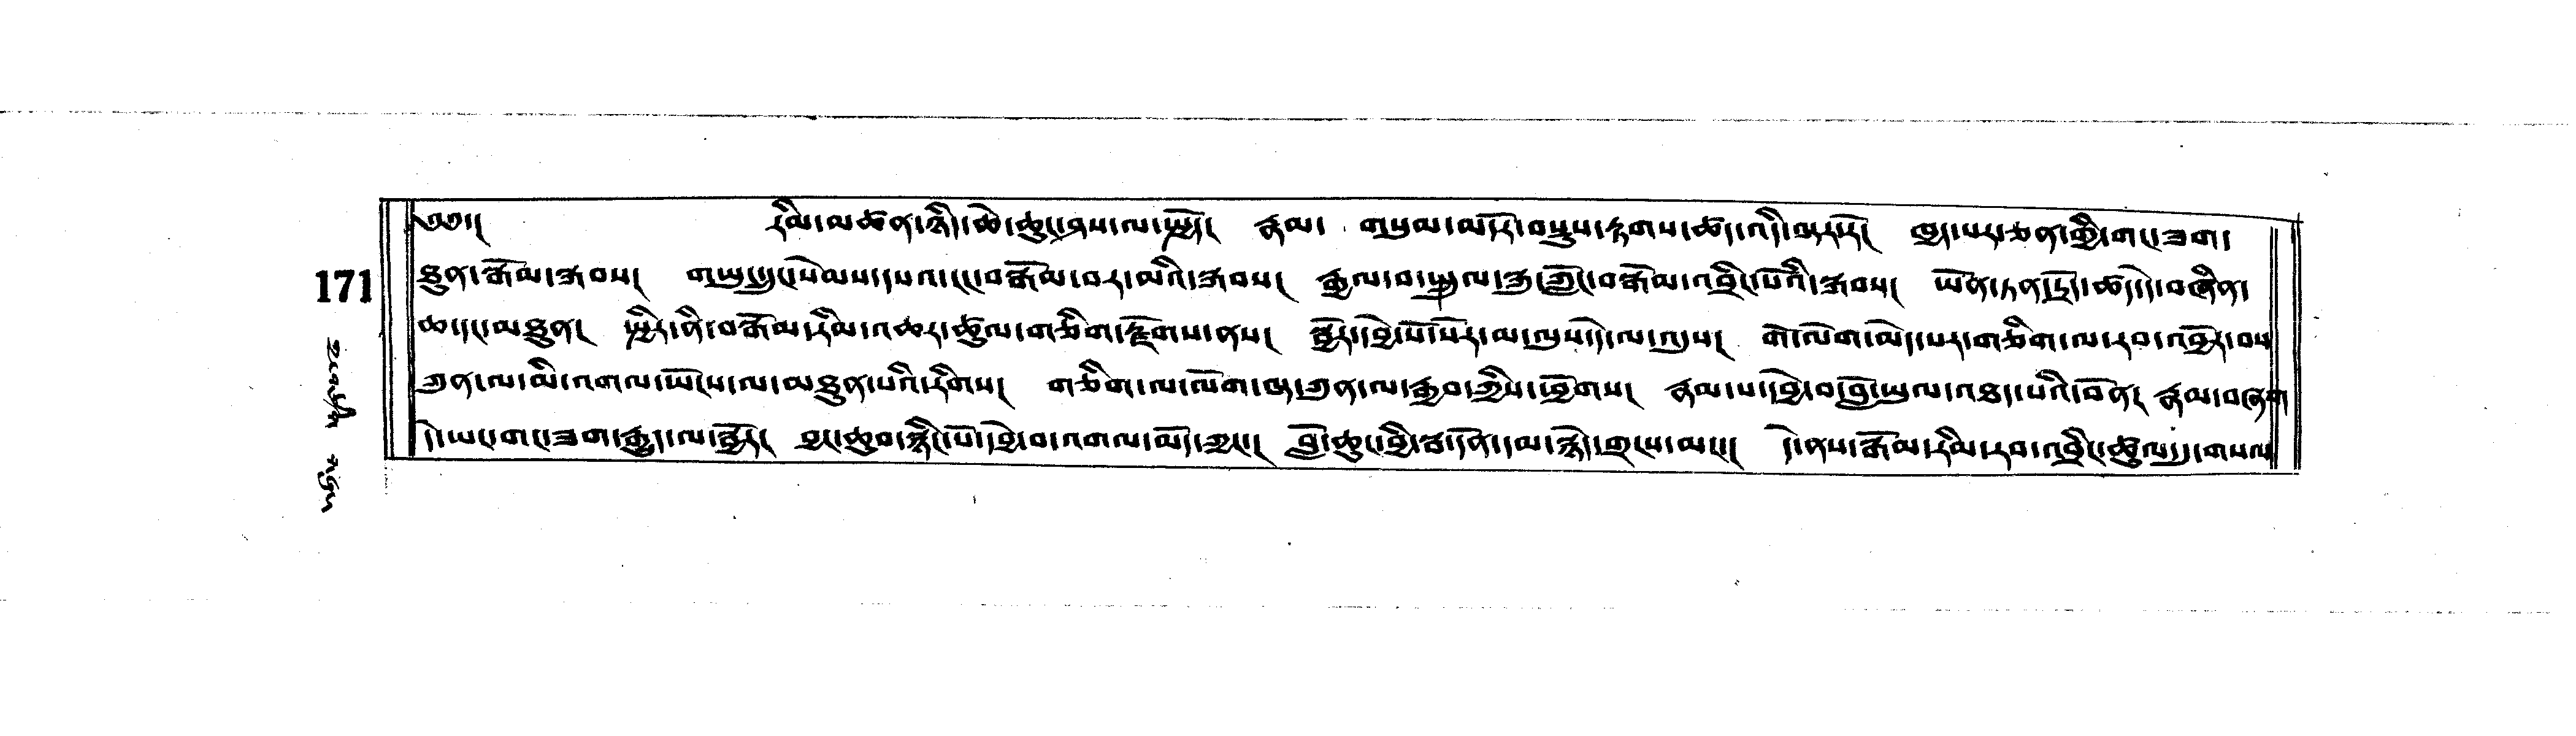རིམ་མཚན་ཉིད་ཆེ་ཆུང་ཤས་ལ་སྤྱོད། རྣམ། གསུམ་མདོར་བསྡུས་རྟགས་ཚད་འདི་ལྟར་རོ། ཁྱད་པར་ཅན་གྱི་གང་ཟག་
ཐུན་སྒོམ་སྐབས། གཡུང་དྲུང་སེམས་དཔའ་ངང་སྒོམ་བར་མའི་སྐབས། རྒྱལ་བ་སྤྲུལ་སྐུ་ཀློང་སྒོམ་འབྲིང་པོའི་སྐབས། ཡོན་ཏན་དྲོད་ཚད་དེ་བཞིན་
ཆ་དང་མཐུན། སྤྱིར་ནི་སྒོམ་རིམ་འཆར་ཚུལ་གཅིག་རྫོགས་ནས། སྦྱོར་དབྱེ་སོ་སོར་མ་ལུས་དེ་ལ་འདུས། གོ་ལོག་མེད་པར་གཅིག་ལ་རབ་འབྱོར་བས། 
ཀུན་ལ་མི་འགལ་ཡོངས་ལ་མཐུན་པའི་རིགས། གཅིག་ལ་ལོག་ལྟ་ཀུན་ལ་རྒྱབ་ཀྱིས་ཕྱོགས། རྣམ་པ་དབྱེ་བ་བློ་ཡུལ་འཐད་པའི་བོན། རྣམ་གཞག་
དེ་ཡང་གང་ཟག་རྒྱུད་ལ་སྦྱོར། བྱང་ཆུབ་སྙིང་པོ་དབྱེ་བ་འགལ་མོད་ཀྱང་། བློ་ཆུང་བྱི་སྦ་དོན་དམ་རྙེད་གྲངས་མང་། དེ་ནས་སྒོམ་རིམ་རབ་འབྲིང་ཚུལ་དུ་གསལ།